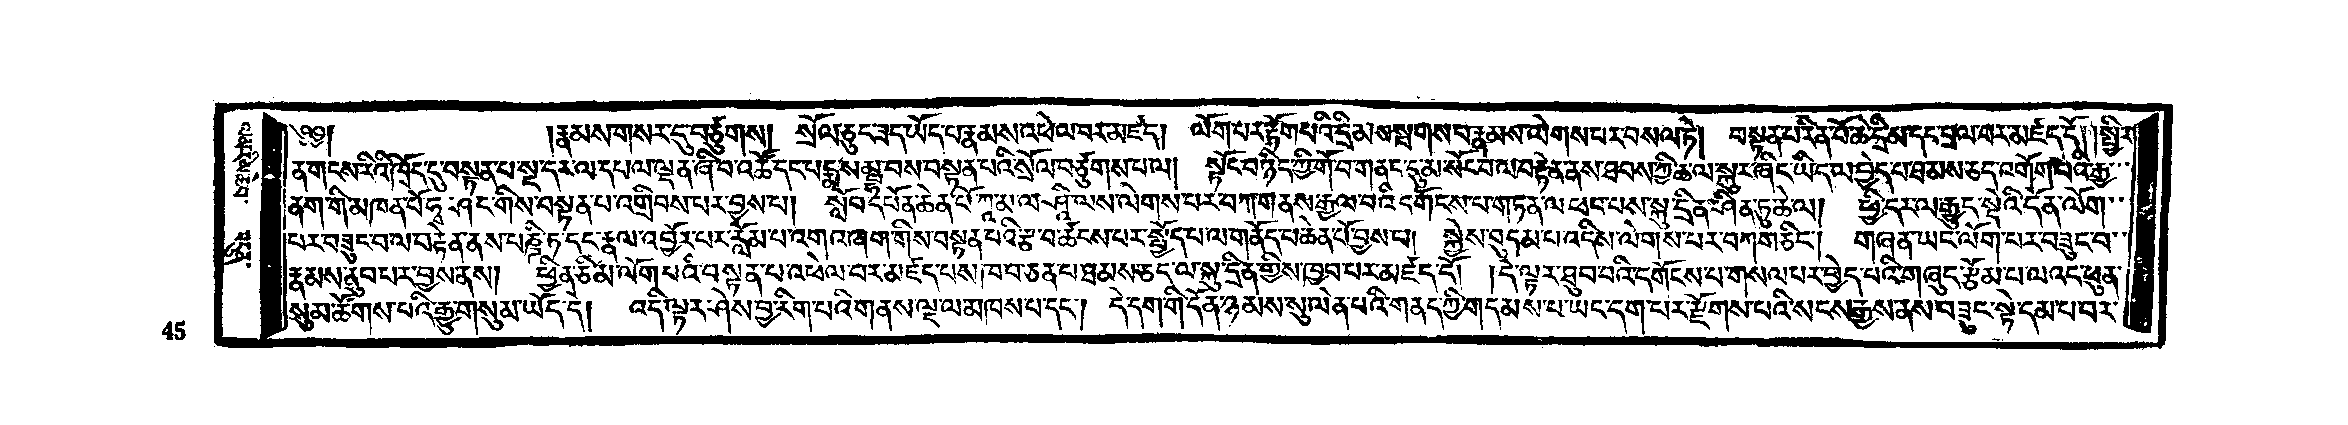༄༅། །རྣམས་གསར་དུ་བཙུགས། སྲོལ་ཅུང་ཟད་ཡོད་པ་རྣམས་འཕེལ་བར་མཛད། ལོག་པར་རྟོག་པའི་དྲི་མས་སྤགས་པ་རྣམས་ལེགས་པར་བསལ་ཏེ། བསྟན་པ་རིན་པོ་ཆེ་དྲི་མ་དང་བྲལ་བར་མཛད་དོ། །སྤྱིར་
ན་གངས་རིའི་ཁྲོད་དུ་བསྟན་པ་སྔ་དར་ལ་དཔལ་ལྡན་ཞི་བ་འཚོ་དང་པདམ་སམྦྷ་བས་བསྟན་པའི་སྲོལ་བཙུགས་པ་ལ། སྟོང་པ་ཉིད་ཀྱི་གོ་བ་གནད་དུ་མ་སོང་བ་ལ་བརྟེན་ནས་ཐབས་ཀྱི་ཆ་ལ་སྐུར་ཞིང་ཡིད་ལ་བྱེད་པ་ཐམས་ཅད་འགོག་པའི་རྒྱ་
ནག་གི་མཁན་པོ་ཧྭ་ཤང་གིས་བསྟན་པ་འགྲིབས་པར་བྱས་པ། སློབ་དཔོན་ཆེན་པོ་ཀཱམ་ལ་ཤཱི་ལས་ལེགས་པར་བཀག་ནས་རྒྱལ་བའི་དགོངས་པ་གཏན་ལ་ཕབ་པས་སྐུ་དྲིན་ཤིན་ཏུ་ཆེ་ལ། ཕྱི་དར་ལ་རྒྱུད་སྡེའི་དོན་ལོག་
པར་བཟུང་བ་ལ་བརྟེན་ནས་པཎྜི་ཏ་དང་རྣལ་འབྱོར་པར་རློམ་པ་འགའ་ཞིག་གིས་བསྟན་པའི་རྩ་བ་ཚངས་བར་སྤྱོད་པ་ལ་གནོད་བ་ཆེན་པོ་བྱས་པ། སྐྱེས་བུ་དམ་པ་འདིས་ལེགས་པར་བཀག་ཅིང་། གཞན་ཡང་ལོག་པར་བཟུང་བ་
རྣམས་ནུབ་བར་བྱས་ནས། ཕྱིན་ཅི་མ་ལོག་པའི་བསྟན་པ་འཕེལ་བར་མཛད་པས་ཁ་བ་ཅན་པ་ཐམས་ཅད་ལ་སྐུ་དྲིན་གྱིས་ཁྱབ་པར་མཛད་དོ། །དེ་ལྟར་ཐུབ་པའི་དགོངས་པ་གསལ་བར་བྱེད་པའི་གཞུང་རྩོམ་པ་ལའང་ཕུན་
སུམ་ཚོགས་པའི་རྒྱུ་གསུམ་ཡོད་དེ། འདི་ལྟར་ཤེས་བྱ་རིག་པའི་གནས་ལྔ་ལ་མཁས་པ་དང་། དེ་དག་གི་དོན་ཉམས་སུ་ལེན་པའི་གནད་ཀྱི་གདམས་པ་ཡང་དག་པར་རྫོགས་པའི་སངས་རྒྱས་ནས་བཟུང་སྟེ་དམ་པ་བར་